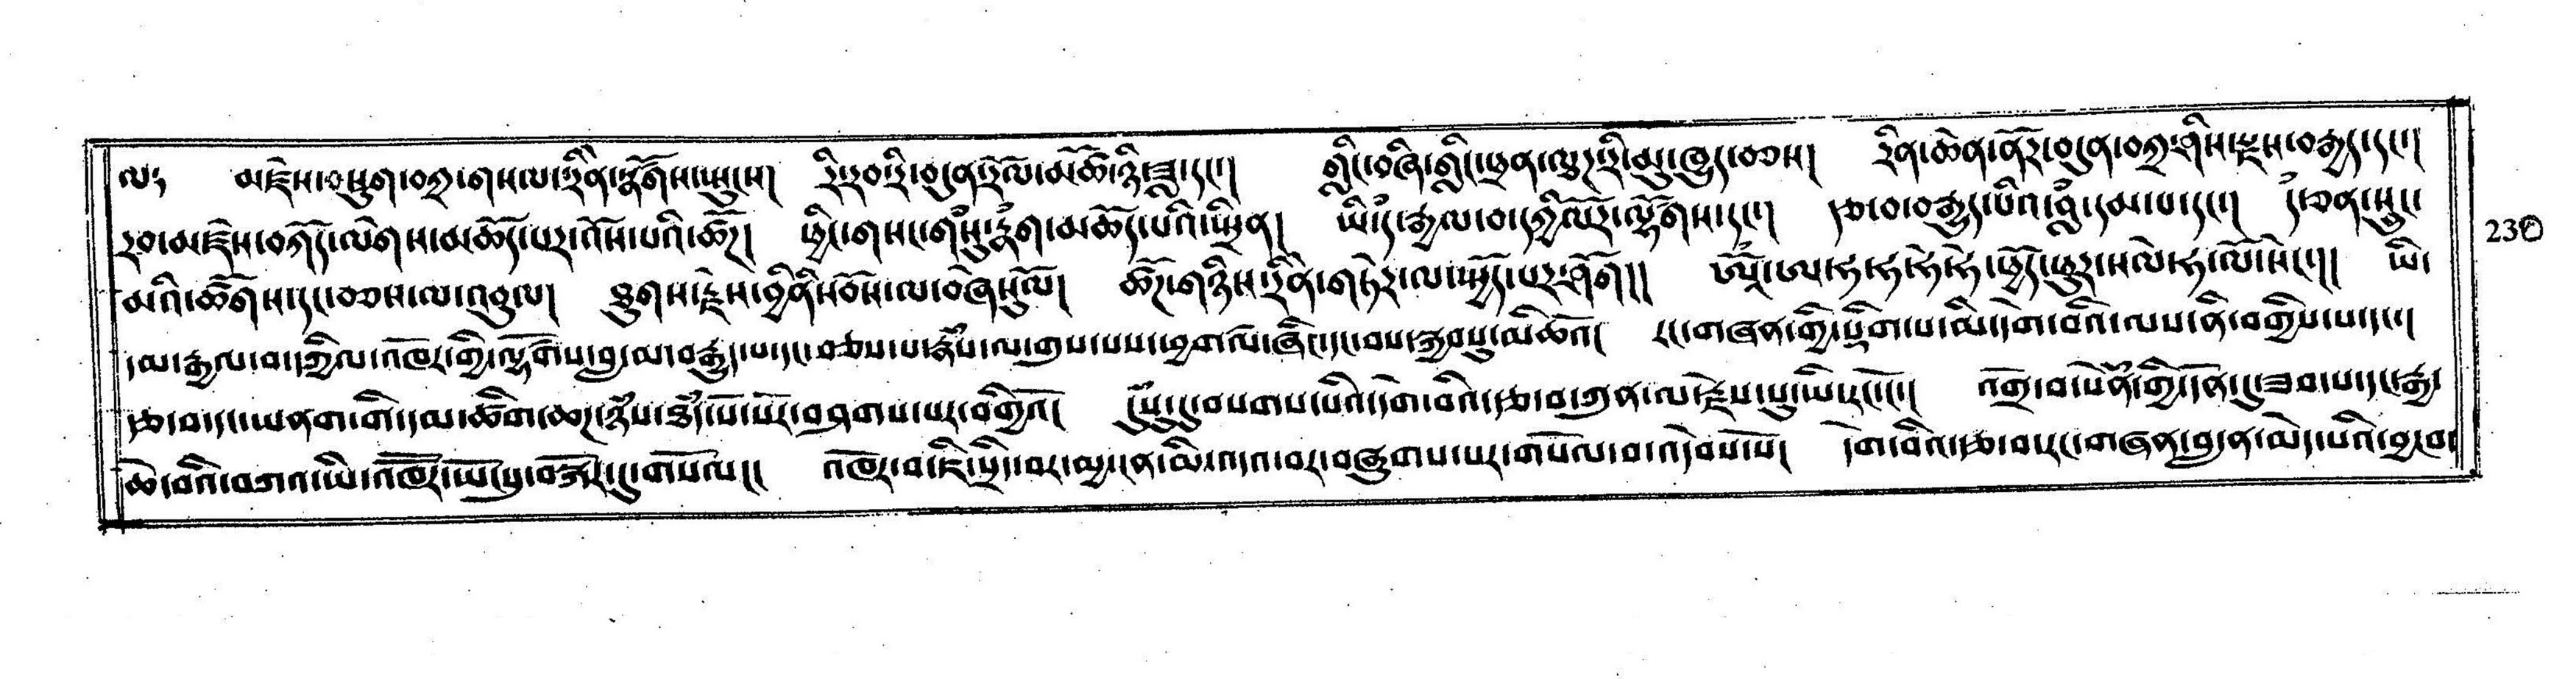ལ། མཛེས་སྡུག་བཀྲ་གསལ་རིན་ཆེན་སྣ་ཚོགས་སྤུངས། རི་རབ་རི་བདུན་རོལ་མཚོ་ཉི་ཟླ་དང་། གླིང་བཞི་གླིང་ཕྲན་ལྕགས་རི་མུ་ཁྱུད་བཅས། རིན་ཆེན་ནོར་བདུན་བཀྲ་ཤིས་རྫས་བརྒྱད་དང་། 
རབ་མཛེས་བཀོད་ལེགས་མཆོད་པར་འོས་པའི་ཚོགས། ཕྱི་ནང་གསང་གསུམ་རྣམ་དག་མཆོད་པའི་སྤྲིན། ཡི་དམ་རྒྱལ་བ་དཀྱིལ་འཁོར་ལྷ་ཚོགས་དང་། རྩ་བ་བརྒྱུད་པའི་བླ་མ་དམ་པ་དང་། དམ་ཅན་སྲུང་
མའི་ཚོགས་དང་བཅས་ལ་འབུལ། ཐུགས་རྗེས་བྱིན་གྱིས་རློབས་ལ་བཞེས་སུ་གསོལ། ཚོགས་གཉིས་རིན་ཆེན་གཏེར་ལ་སྤྱོད་པར་ཤོག།། ཨཱོཾ་ཨ་ཧ་ཧ་ཧེ་ཧེ་ཕྱོད་ཕུར་སལེ་ཧ་ལོ་སེང་།། ཡི་
དམ་རྒྱལ་བ་དཀྱིལ་འཁོར་གྱི་ལྷ་ཚོགས་བླ་མ་བརྒྱུད་པ་དང་བཅས་པ་རྣམས་ལ་གུས་པས་ཕྱག་འཚལ་ཞིང་དང་བས་སྐྱབས་སུ་མཆིའོ། རང་གཞན་གྱི་སྡིག་པ་མི་དགེ་བའི་ལས་ནི་བགྱིས་པ་དང་། 
རྩ་བ་དང་ཡན་ལག་གི་དམ་ཚིག་ཆག་ཉམས་ཐམས་ཅད་སོ་སོར་བཤགས་པར་བགྱིའོ། དུས་གསུམ་དུ་བསགས་པའི་དགེ་བའི་རྩ་བ་ཀུན་ལ་རྗེས་སུ་ཡི་རང་ངོ་། འགྲོ་བ་སེམས་ཅན་གྱི་དོན་དུ་ཟབ་པ་དང་རྒྱ་
ཆེ་བའི་བཀའ་ཡི་འཁོར་ལོ་ཡོངས་སུ་བསྐོར་དུ་གསོལ།། འཁོར་བ་ཇི་སྲིད་བར་མྱ་ངན་མི་འདའ་བར་བཞུགས་པར་གསོལ་བ་འདེབས་སོ། དགེ་བའི་རྩ་བ་རང་གཞན་བླ་ན་མེད་པའི་བྱང་ཆུབ་